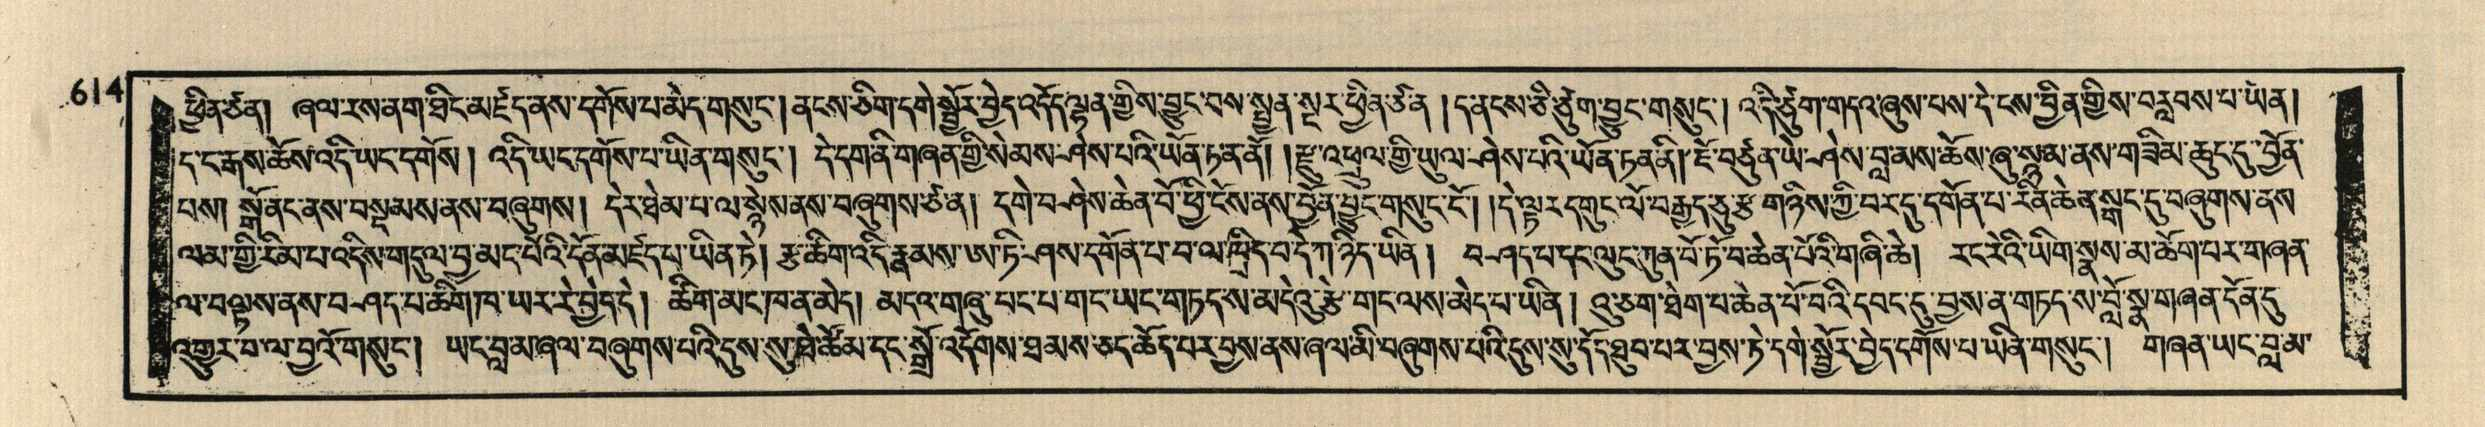ཕྱིན་ཙ་ན། ཞལ་རས་ནག་ཐིང་མཛད་ནས་དགོས་པ་མེད་གསུང་། ནངས་ཅིག་དགེ་སྦྱོར་བྱེད་འདོད་ལྷན་གྱིས་བྱུང་བས་སྤྱན་སྔར་ཕྱིན་ཙ་ན་།ད་ནངས་ཅི་ཙུག་བྱུང་གསུང་། འདི་ཙུག་གདའ་ཞུས་པས་དེ་ངས་བྱིན་གྱིས་བརླབས་པ་ཡིན།
ད་ང་རྒས་ཆོས་འདི་ཡང་དགོས། འདི་ཡང་དགོས་པ་ཡིན་གསུང་། དེ་དག་ནི་གཞན་གྱི་སེམས་ཤེས་པའི་ཡོན་ཏན་ནོ། །རྫུ་འཕྲུལ་གྱི་ཡུལ་ཤེས་པའི་ཡོན་ཏན་ནི། ཇོ་བཙུན་ཡེ་ཤེས་བླ་མས་ཆོས་ཞུ་སྙམ་ནས་གཟིམ་ཆུང་དུ་བྱོན་
པས། སྒོ་ནང་ནས་བསྡམས་ནས་བཞུགས། དེར་ཐེམ་པ་ལ་སྙེས་ནས་བཞུགས་ཙ་ན། དགེ་བཤེས་ཆེན་བོ་ཕྱི་ངོས་ནས་བྱོན་བྱུང་གསུང་ངོ། །དེ་ལྟར་དགུང་ལོ་བརྒྱད་ཅུ་རྩ་གཉིས་ཀྱི་བར་དུ་དགོན་པ་རིན་ཆེན་སྒང་དུ་བཞུགས་ནས་
ལམ་གྱི་རིམ་པ་འདིས་གདུལ་བྱ་མང་པོའི་དོན་མཛད་པ་ཡིན་ཏེ། རྩ་ཚིག་འདི་རྣམས་ཨ་ཏི་ཤས་དགོན་པ་བ་ལ་ཁྲིད་པ་དེ་ཀ་ཉིད་ཡིན། བཤད་པ་དང་ལུང་ཀུན་བོ་ཏོ་བ་ཆེན་པོའི་གཞི་ཆེ། རང་རེའི་ཡིག་སྣས་མ་ཆོག་བར་གཞན་
ལ་བལྟས་ནས་བཤད་པ་ཚིག་ཁ་ཡར་རེ་བྱེད་དེ། ཚིག་མང་ཁ་ན་མེད། མདའ་གཞུ་པང་པ་གང་ཡང་གཏད་ས་མདེའུ་རྩེ་གང་ལས་མེད་པ་ཡིན། འུ་ཅག་ཐེག་པ་ཆེན་པོ་བའི་དབང་དུ་བྱས་ན་གཏད་ས་བློ་སྣ་གཞན་དོན་དུ་
འགྱུར་བ་ལ་བྱའོ་གསུང་། ཡང་བླ་མ་ཞལ་བཞུགས་པའི་དུས་སུ་ཐེ་ཚོམ་དང་སྒྲོ་འདོགས་ཐམས་ཅད་ཆོད་པར་བྱས་ནས་ཞལ་མི་བཞུགས་པའི་དུས་སུ་དོད་ཐུབ་པར་བྱས་ཏེ་དགེ་སྦྱོར་བྱེད་དགོས་པ་ཡིན་གསུང་། གཞན་ཡང་བླ་མ་